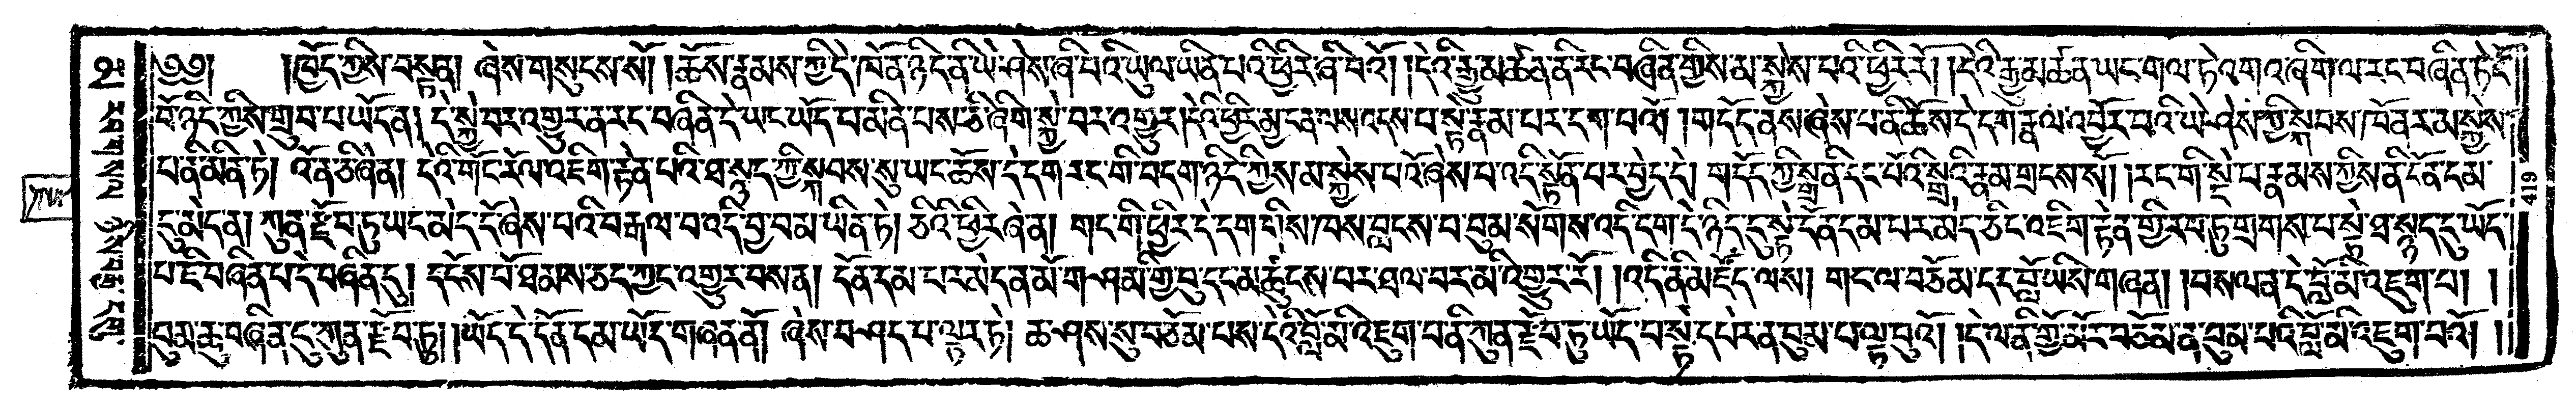༄༅། །ཁྱོད་ཀྱིས་བསྟན། ཞེས་གསུངས་སོ། །ཆོས་རྣམས་ཀྱི་དེ་ཁོ་ན་ཉིད་ནི་ཡེ་ཤེས་ཞི་བའི་ཡུལ་ཡིན་པའི་ཕྱིར་ཞི་བའོ། །དེའི་རྒྱུ་མཚན་ནི་རང་བཞིན་གྱིས་མ་སྐྱེས་པའི་ཕྱིར་རོ། །དེའི་རྒྱུ་མཚན་ཡང་གལ་ཏེ་འགའ་ཞིག་ལ་རང་བཞིན་ཏེ་ངོ་
བོ་ཉིད་ཀྱིས་གྲུབ་པ་ཡོད་ན། དེ་སྐྱེ་བར་འགྱུར་ན་རང་བཞིན་དེ་ཡང་ཡོད་པ་མིན་པས་ཅི་ཞིག་སྐྱེ་བར་འགྱུར། དེའི་ཕྱིར་མྱ་ངན་ལས་འདས་པ་སྟེ་རྣམ་པར་དག་པའོ། །གདོད་ནས་ཞེས་པ་ནི་ཆོས་དེ་དག་རྣལ་འབྱོར་པའི་ཡེ་ཤེས་ཀྱི་སྐབས་ཁོ་ནར་མ་སྐྱེས་
པ་ནི་མིན་ཏེ། འོ་ན་ཅི་ཞེ་ན། དེའི་གོང་རོལ་འཇིག་རྟེན་པའི་ཐ་སྙད་ཀྱི་སྐབས་སུ་ཡང་ཆོས་དེ་དག་རང་གི་བདག་ཉིད་ཀྱིས་མ་སྐྱེས་པའོ་ཞེས་པ་འདི་སྟོན་པར་བྱེད་དེ། གདོད་ཀྱི་སྒྲ་ནི་དང་པོའི་སྒྲའི་རྣམ་གྲངས་སོ། །རང་གི་སྡེ་པ་རྣམས་ཀྱིས་ནི་དོན་དམ་
དུ་མེད་ན། ཀུན་རྫོབ་ཏུ་ཡང་མེད་དོ་ཞེས་པའི་བརྒལ་བ་འདི་བྱ་བ་མ་ཡིན་ཏེ། ཅིའི་ཕྱིར་ཞེ་ན། གང་གི་ཕྱིར་དེ་དག་གིས་ཁས་བླངས་པ་བུམ་སོགས་འདི་དག་དེ་ཉིད་དུ་སྟེ་དོན་དམ་པར་མེད་ཅིང་འཇིག་རྟེན་གྱི་རབ་ཏུ་གྲགས་པ་སྟེ་ཐ་སྙད་དུ་ཡོད་
པ་ཇི་བཞིན་པ་དེ་བཞིན་དུ། དངོས་པོ་ཐམས་ཅད་ཀྱང་འགྱུར་བས་ན། དོན་དམ་པར་མེད་ན་མོ་གཤམ་གྱི་བུ་དང་མཚུངས་པར་ཐལ་བར་མི་འགྱུར་རོ། །འདི་ནི་མཛོད་ལས། གང་ལ་བཅོམ་དང་བློ་ཡིས་གཞན། །བསལ་ན་དེ་བློ་མི་འཇུག་པ།།
བུམ་ཆུ་བཞིན་དུ་ཀུན་རྫོབ་ཏུ། །ཡོད་དེ་དོན་དམ་ཡོད་གཞན་ནོ། ཞེས་བཤད་པ་ལྟར་ཏེ། ཆ་ཤས་སུ་བཅོམ་པས་དེའི་བློ་མི་འཇུག་པའི་ཀུན་རྫོབ་ཏུ་ཡོད་པ་སྟེ་དཔེར་ན་བུམ་པ་ལྟ་བུའོ། །དེ་ལ་ནི་གྱོ་མོར་བཅོམ་ན་བུམ་པའི་བློ་མི་འཇུག་པའོ།།